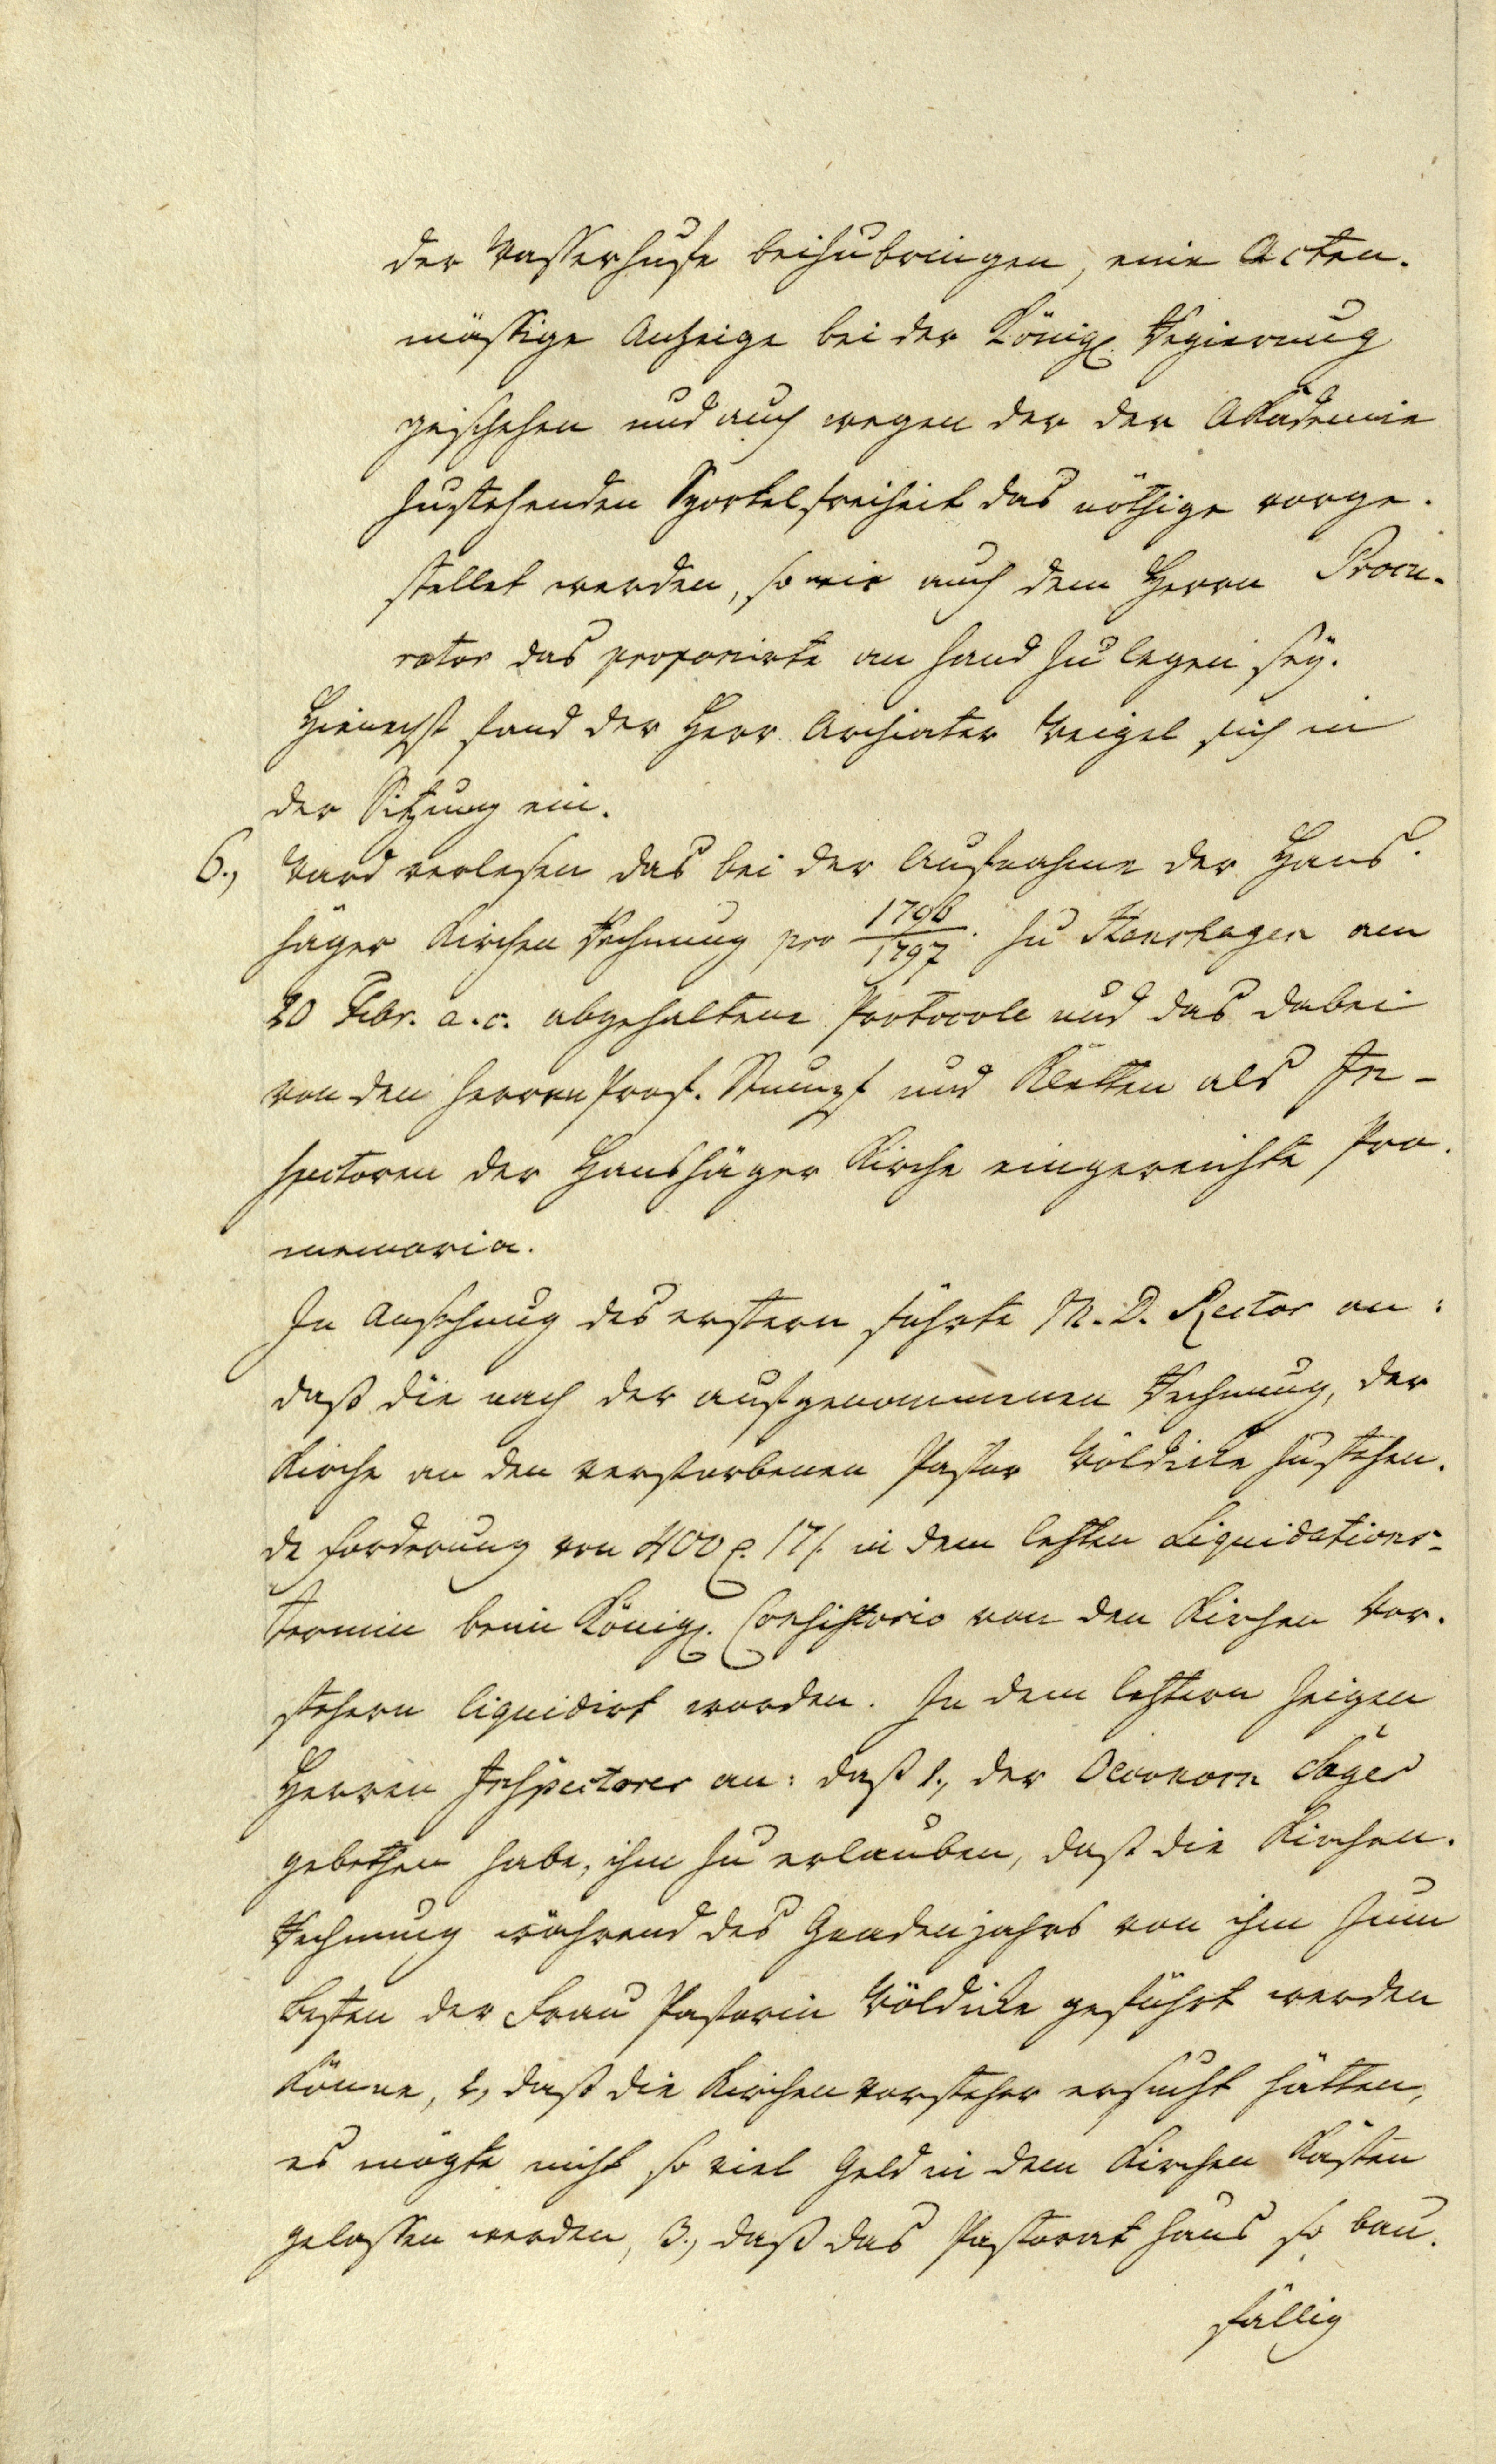der Wasserhufe beizubringen, eine Acten¬
mässige Anzeige bei der Königl. Regierung
geschehen und auch wegen der der Akademie
zustehenden Sportelfreiheit das nöthige vorge¬
stellet werden, so wie auch dem Herrn Procu¬
rator das proponirte an Hand zu legen seÿ.
Hienechst fand der Herr Archiater Weigel sich in
der Sitzung ein.
6., Wird verlesen das bei der Aufnahme der Hans¬
häger Kirchen Rechnung pro 1796/1797 zu Hanshagen am
20 Febr. a. c. abgehaltene Protocoll und das dabei
von den Herren Prof. Stumpf und Kletten als In¬
spectoren der Hanshäger Kirche eingereichte Pro¬
memoria.
In Ansehung des erstern führte M. D. Rector an:
daß die nach der aufgenommenen Rechnung, der
Kirche an den verstorbenen Pastor Wöldicke zustehen¬
de Forderung von 400 l. 17 s. in dem letzten Liquidations¬
termin beim Königl. Consistorio von den Kirchen Vor¬
stehern liquidirt worden. In dem letztern zeigen
Herren Inspectores an: daß 1., der Oeconom Sager
gebethen habe, ihm zu erlauben, daß die Kirchen¬
Rechnung während des Gnadenjahrs von ihm zum
besten der Frau Pastorin Wöldicke geführt werden
könne, 2, daß die Kirchenvorsteher ersucht hätten,
es mögte nicht so viel Geld in dem Kirchen Kasten
gelassen werden, 3., daß das Pastorathaus so bau¬
fällig